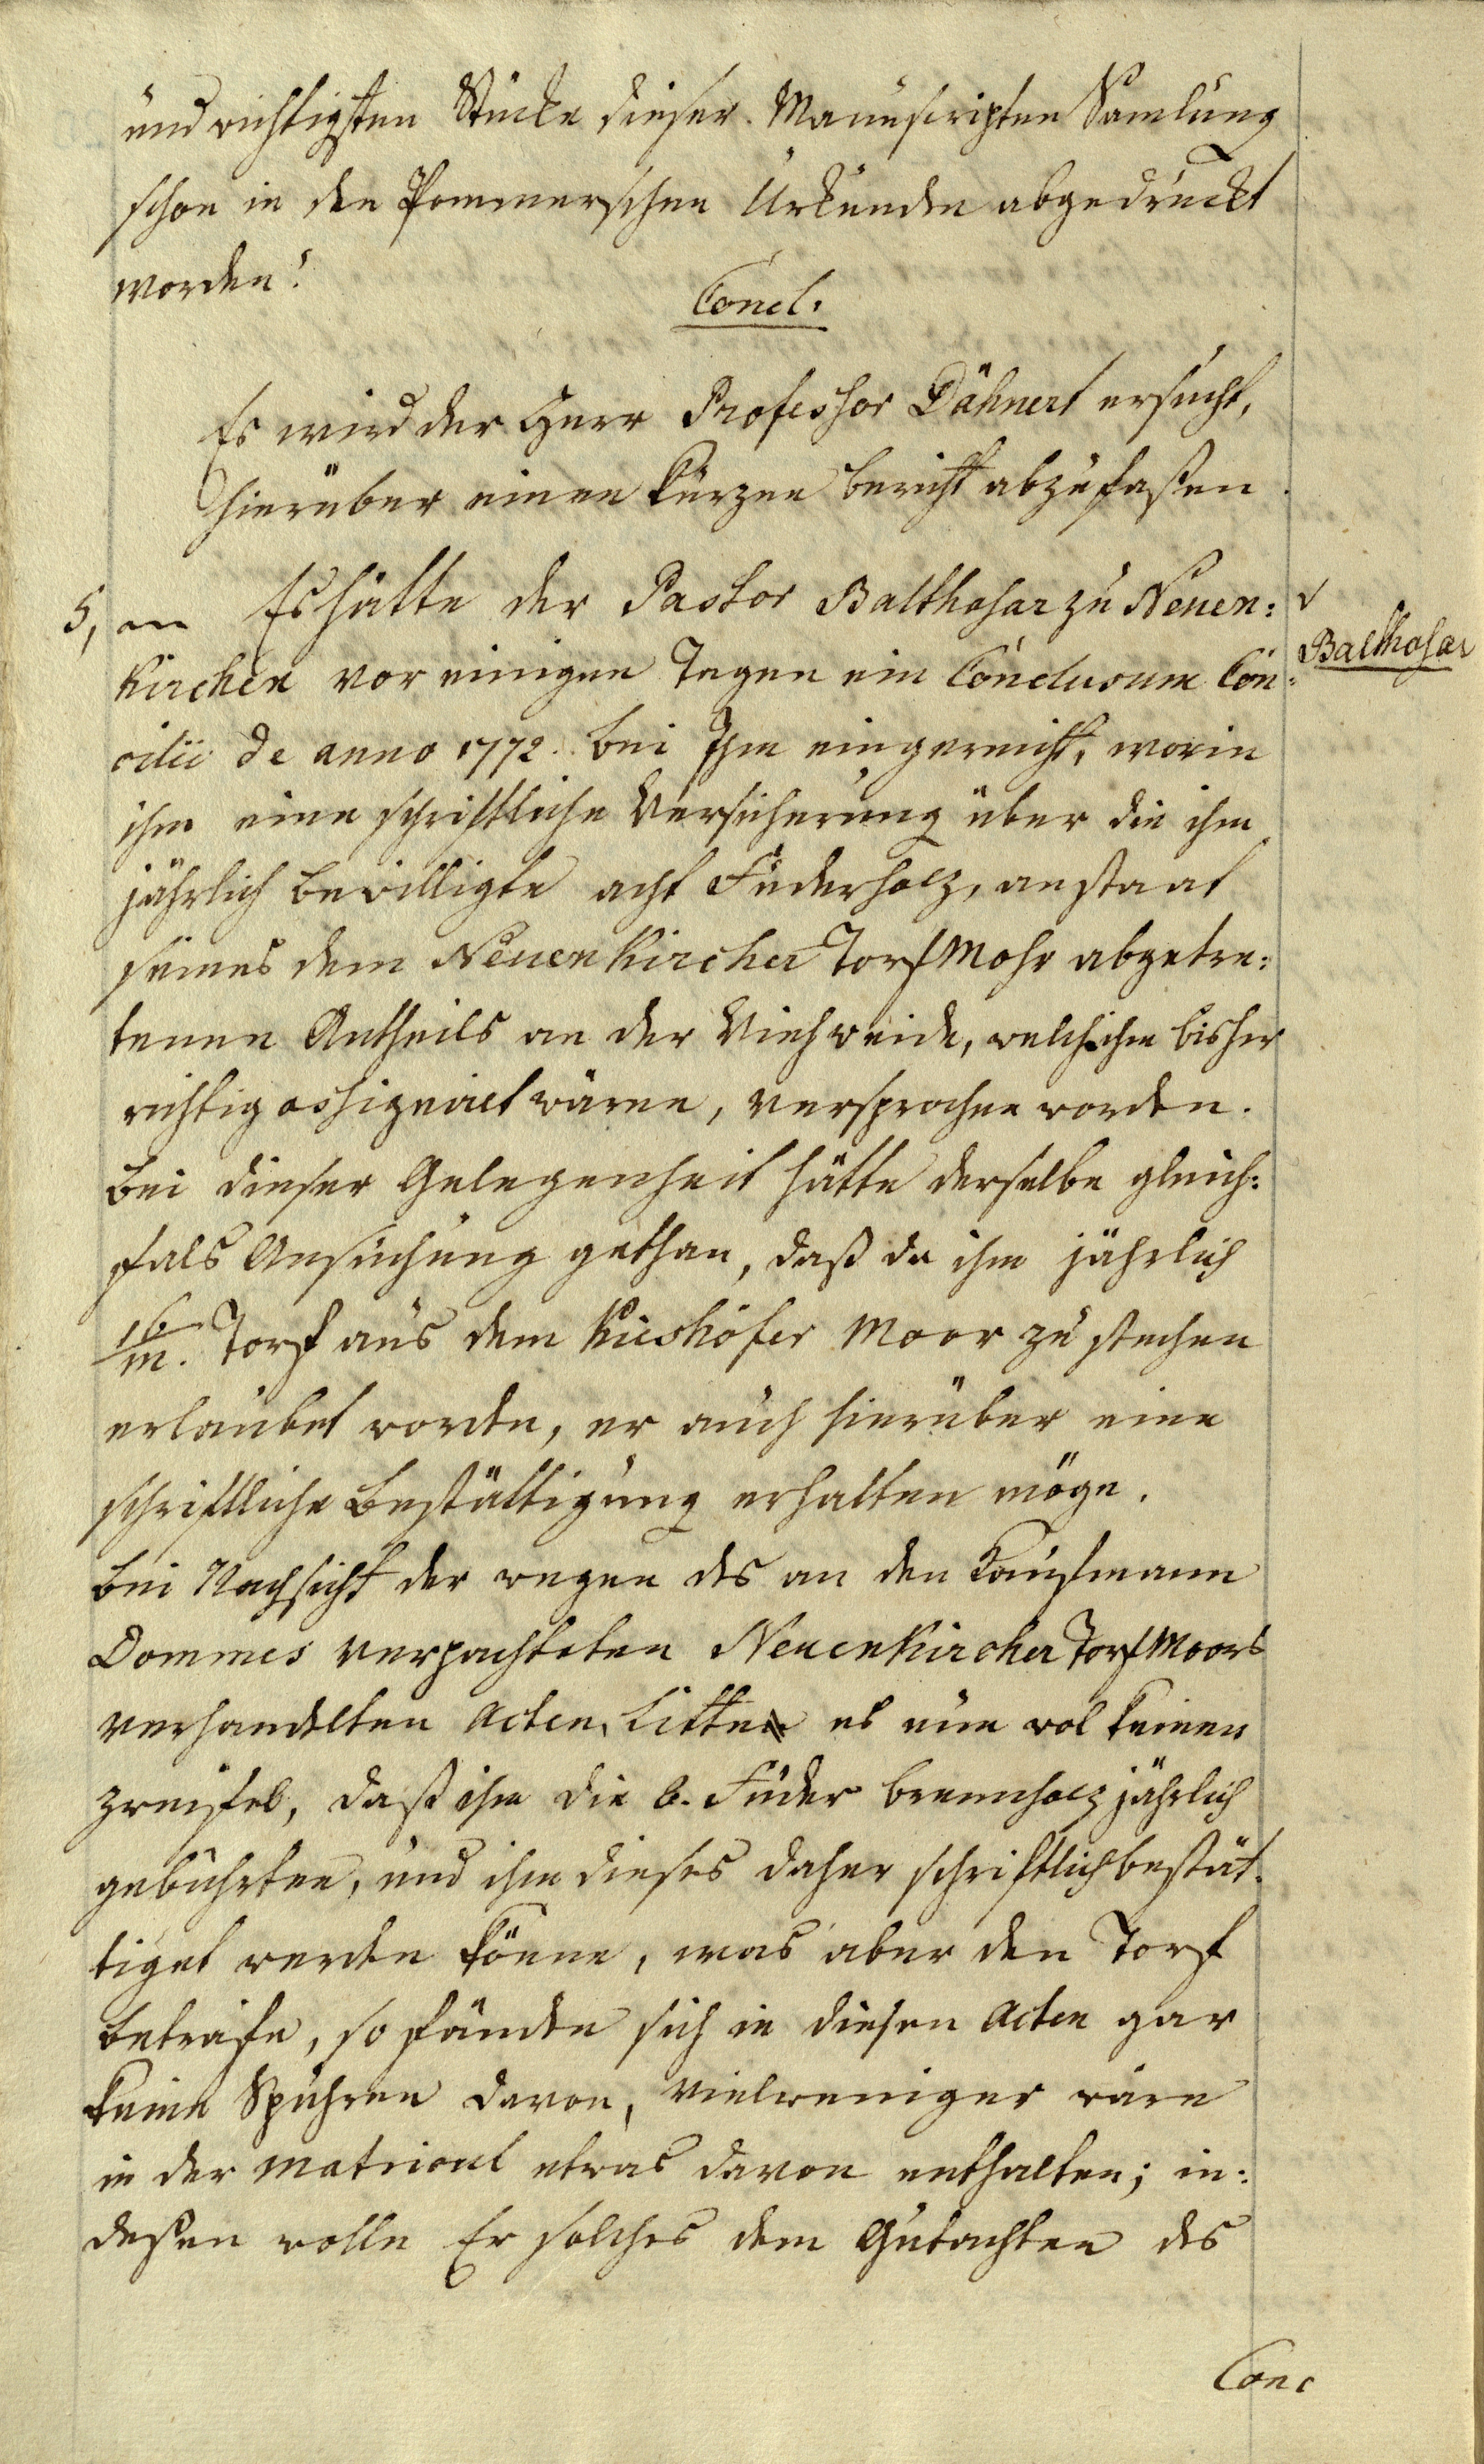und wichtigsten Stücke dieser Manuskripten Samlung
schon in den Pommerschen Urkunden abgedruckt
worden.
Concl.
Es wird der Herr Professor Dähnert ersucht,
hierüber einen kurzen Bericht abzufaßen.
5, Es hätte der Pastor Balthasar zu Neuen¬
kirchen vor einigen Tagen ein Conclusum Con¬
cilii de anno 1772. bei Ihm eingereicht, worin
ihm eine schriftliche Versicherung über die ihm
jährlich bewilligte acht Fuder Holz, anstaat
seines dem Neuenkircher Torfmohr abgetre¬
tenen Antheils an der Viehweide, welchen bisher
richtig assigniret wären, versprochen worden.
Bei dieser Gelegenheit hätte derselbe gleich¬
fals Ansuchung gethan, daß da ihm jährlich
16/m Torf aus dem Kieshöfer Moor zu stechen
erlaubt worden, er auch hierüber eine
schriftliche Bestättigung erhalten möge.
Bei Nachsicht der wegen des an den Kaufmann
Dommes verpachteten Neuenkircher Torfmoors
verhandelten Acten, litte es nun wol keinen
Zweifel, daß ihm die 8. Fuder Brennholz jährlich
gebührten, und ihm dieses daher schriftlich bestät¬
tiget werden könne, was aber den Torf
beträfe, so fände sich in diesen Acten gar
keine Spuren davon, vielweniger wäre
in der Matricul etwas davon enthalten; in¬
deßen wolle Er solches dem Gutachten des